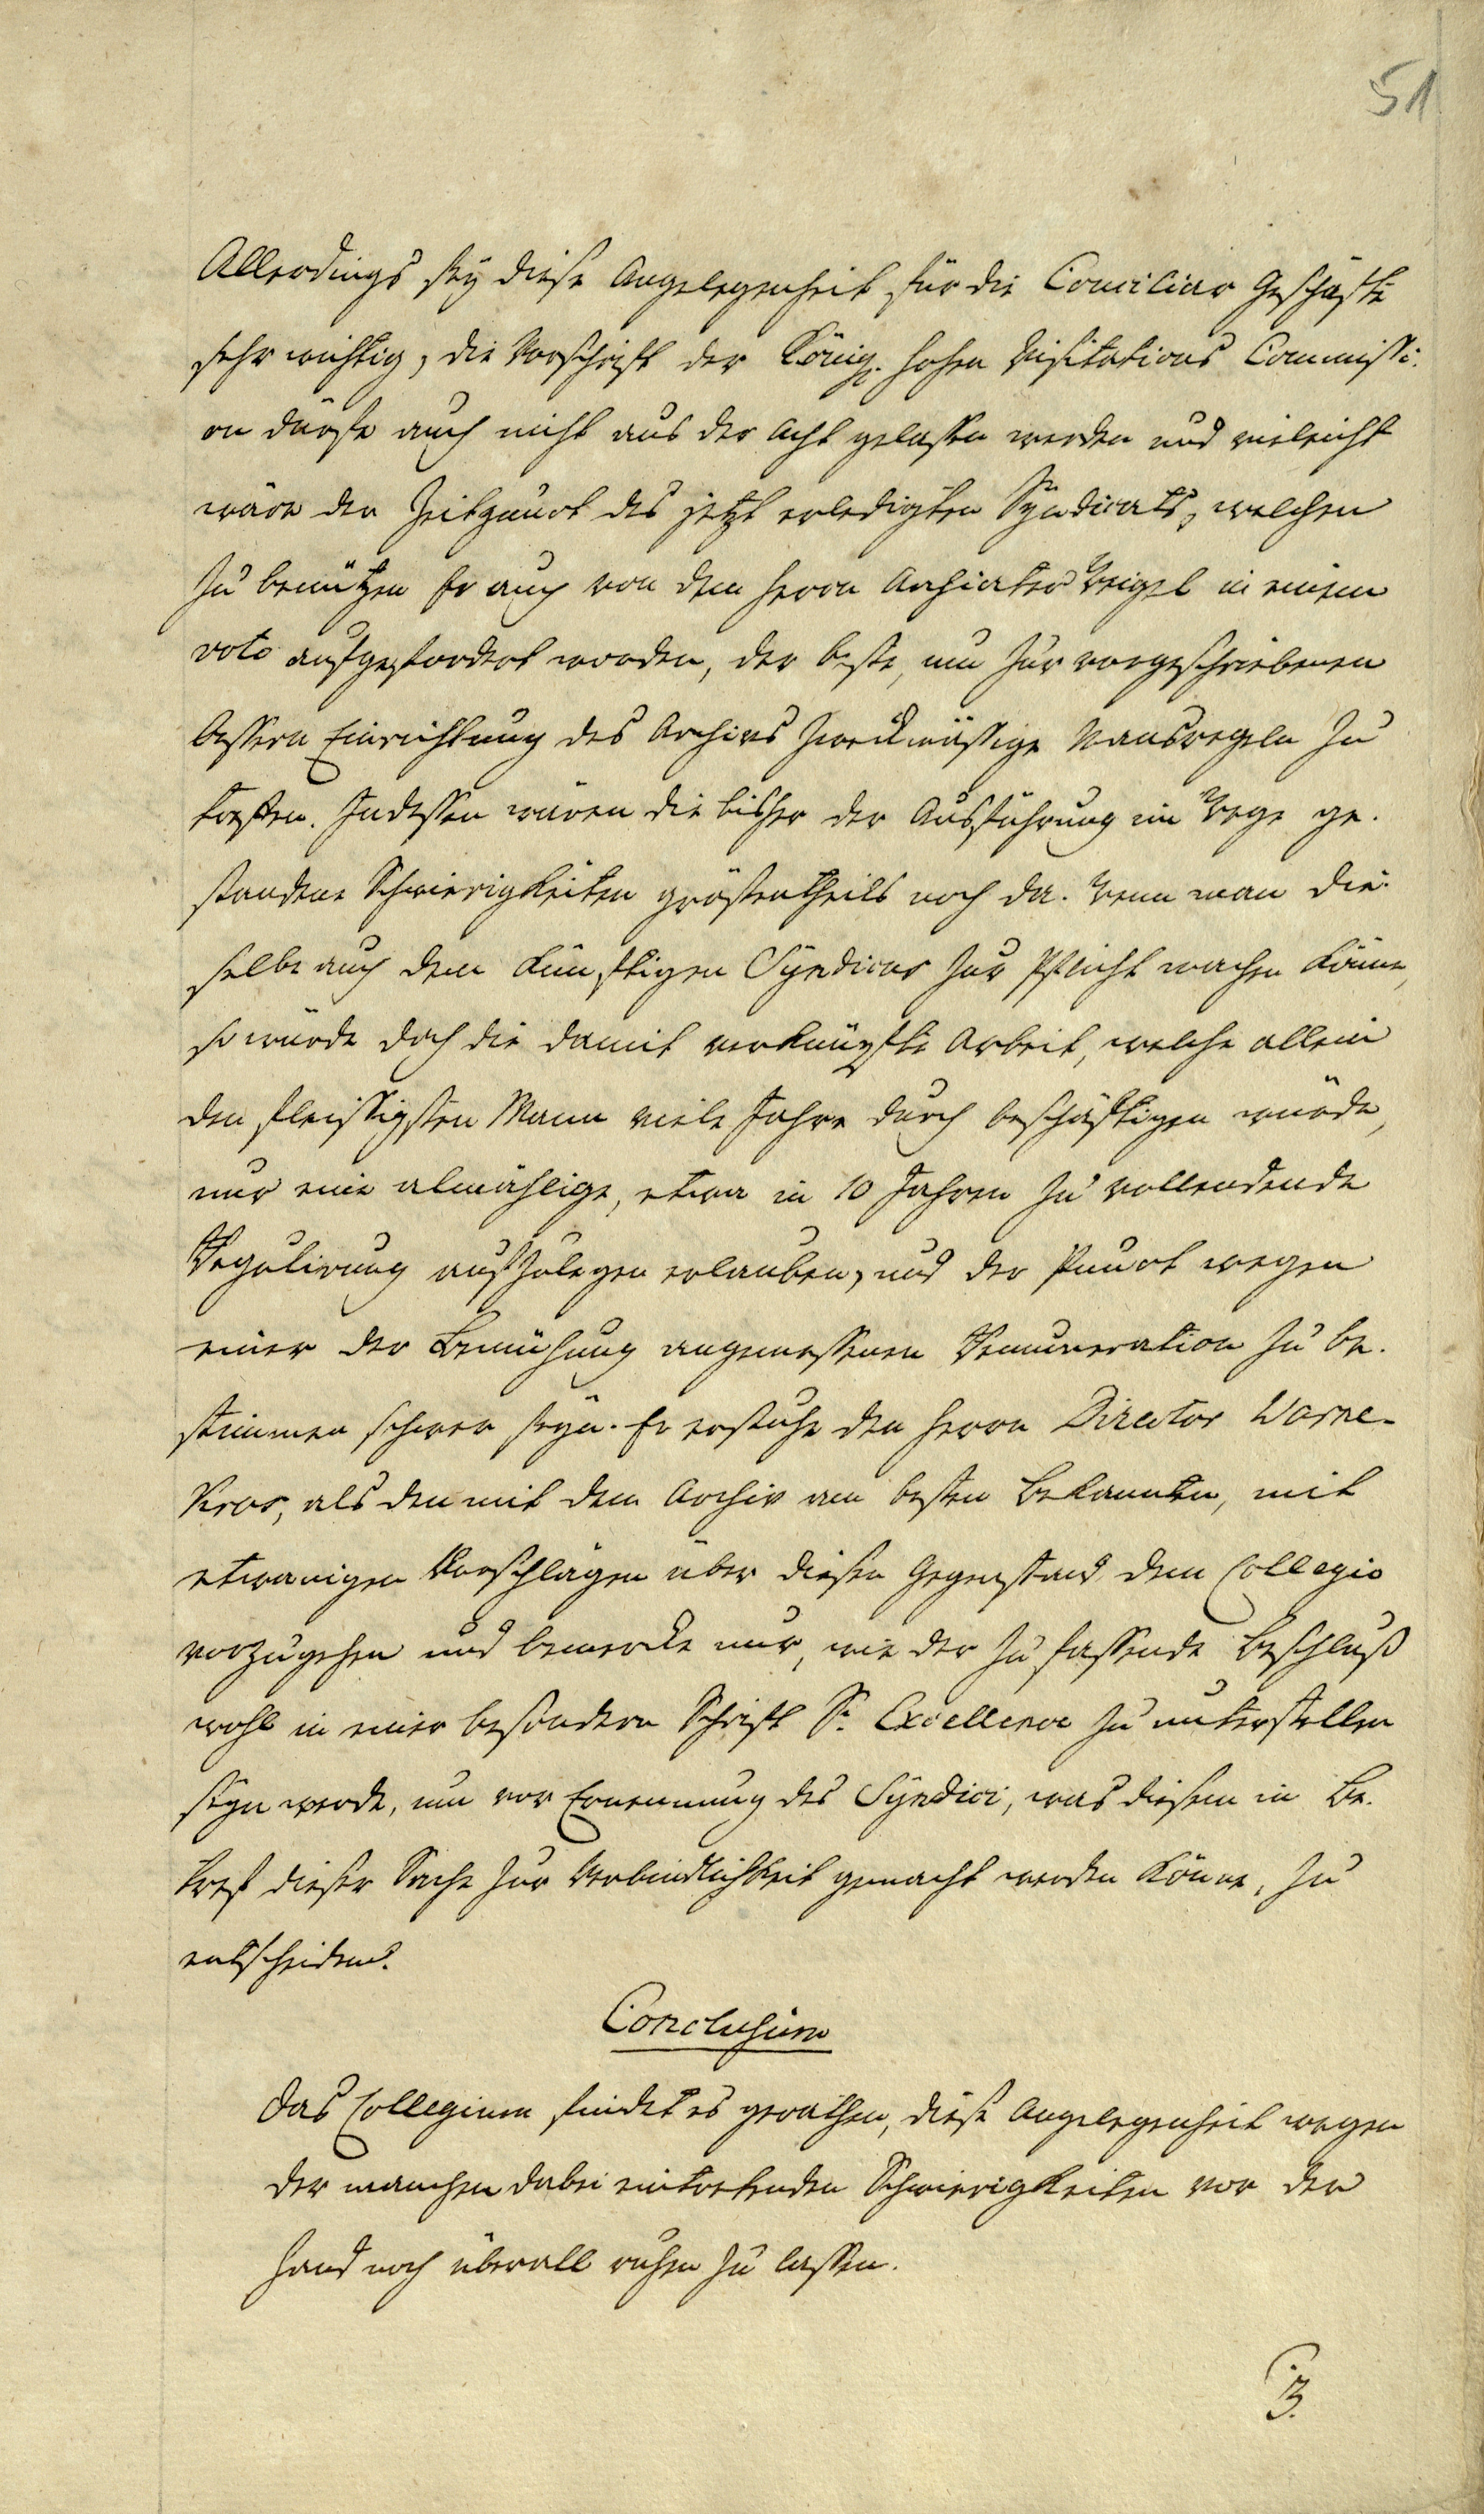Allerdings seÿ diese Angelegenheit für die Conciliar Geschäfte
sehr wichtig, die Vorschrift der Königl. hohen Visitations Commissi¬
on dürfe auch nicht aus der Acht gelassen werden und vieleicht
wäre der Zeitpunct des jetzt erledigten Sÿndicats, welchen
zu benützen Er auch von dem Herrn Archiater Weigel in einem
voto aufgefordert worden, der beste, um zur vorgeschriebenen
bessern Einrichtung des Archivs zweckmässige Maasregeln zu
treffen. Indessen wären die bisher der Ausführung im Wege ge¬
standene Schwierigkeiten gröstentheils noch da. Wenn man die¬
selbe auch dem künftigen Sÿndicus zur Pflicht machen könne,
so würde doch die damit verknüpfte Arbeit, welche allein
den fleissigsten Mann viele Jahre durch beschäftigen würde,
nur eine almählige, etwa in 10 Jahren zu vollendende
Regulirung aufzulegen erlauben, und der Punct wegen
einer der Bemühung angemessenen Remuneration zu be¬
stimmen schwer seÿn. Er ersuche den Herrn Director Warne¬
kros, als den mit dem Archiv am besten Bekannten, mit
etwanigen Vorschlägen über diesen Gegenstand dem Collegio
vorzugehen und bemercke nur, wie der zu fassende Beschluß
wohl in einer besondern Schrift Sr Excellence zu unterstellen
seÿn werde, um vor Ernennung des Sÿndici, was diesem in Be¬
tref dieser Sache zur Verbindlichkeit gemacht werden könne, zu
entscheiden.
Conclusum
Das Collegium findet es gerathen, diese Angelegenheit wegen
der manchen dabei eintretenden Schwierigkeiten vor der
Hand noch überall ruhen zu lassen.
3.